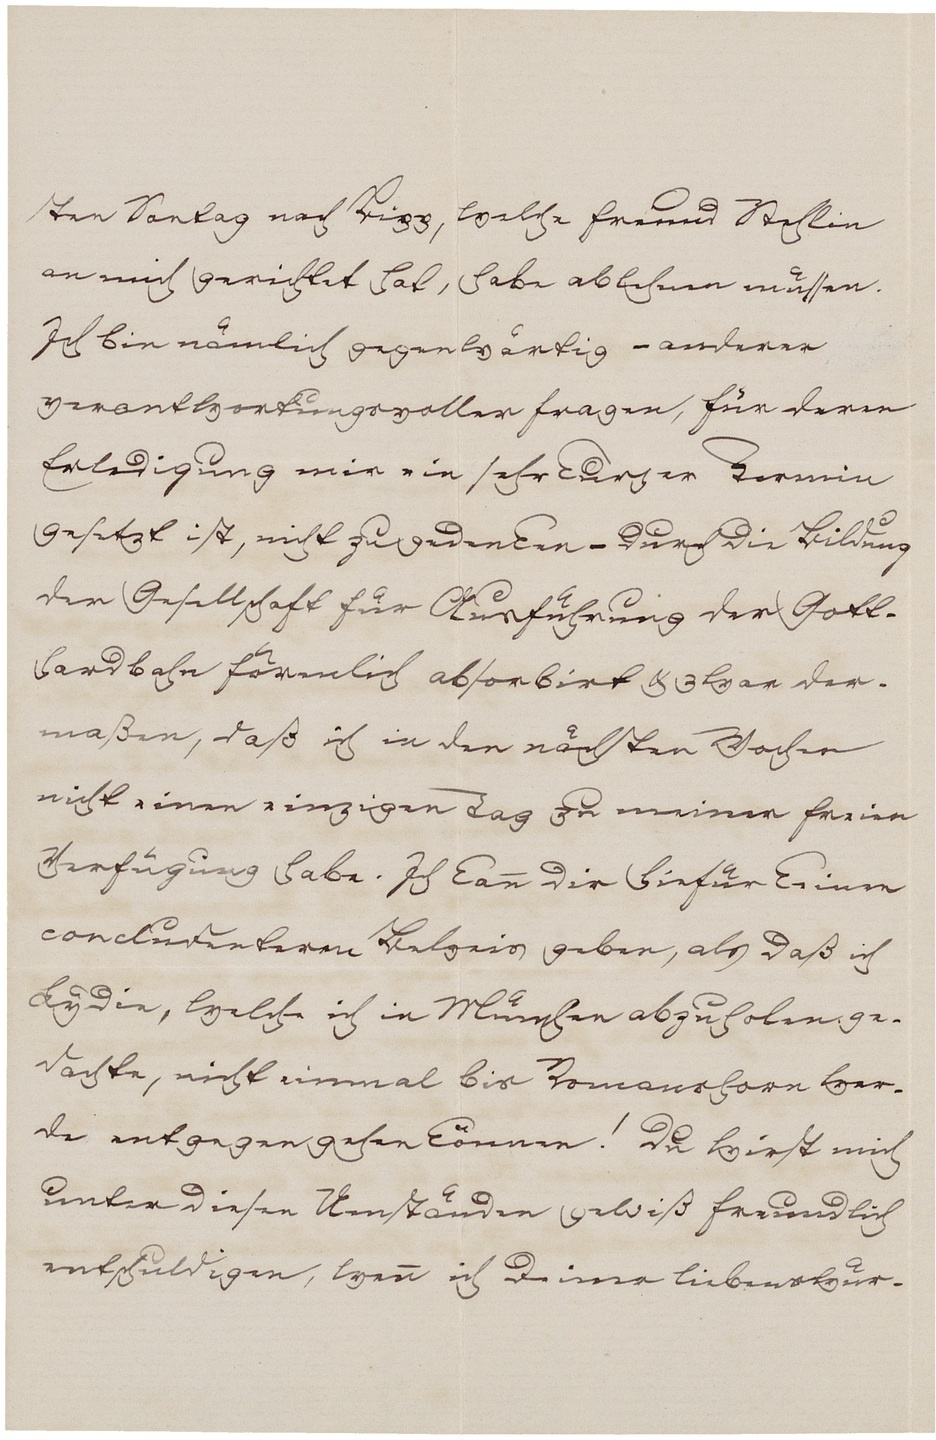sten Sontag nach Bipp, welche Freund Stehlin
an mich gerichtet hat, habe ablehnen müssen.
Ich bin nämlich gegenwärtig – anderer
verantwortungsvoller Fragen, für deren
Erledigung mir ein sehr kurzer Termin
gesetzt ist, nicht zu gedenken – durch die Bildung
der Gesellschaft für Ausführung der Gott-
hardbahn förmlich absorbirt & zwar der-
maßen, daß ich in den nächsten Wochen
nicht einen einzigen Tag zu meiner freien
Verfügung habe. Ich kann Dir hiefür keinen
concludenteren Beweis geben, als daß ich
Lydie, welche ich in München abzuholen ge-
dachte, nicht einmal bis Romanshorn wer-
de entgegengehen können! Du wirst mich
unter diesen Umständen gewiß freundlich
entschuldigen, wenn ich Deiner liebenswür-